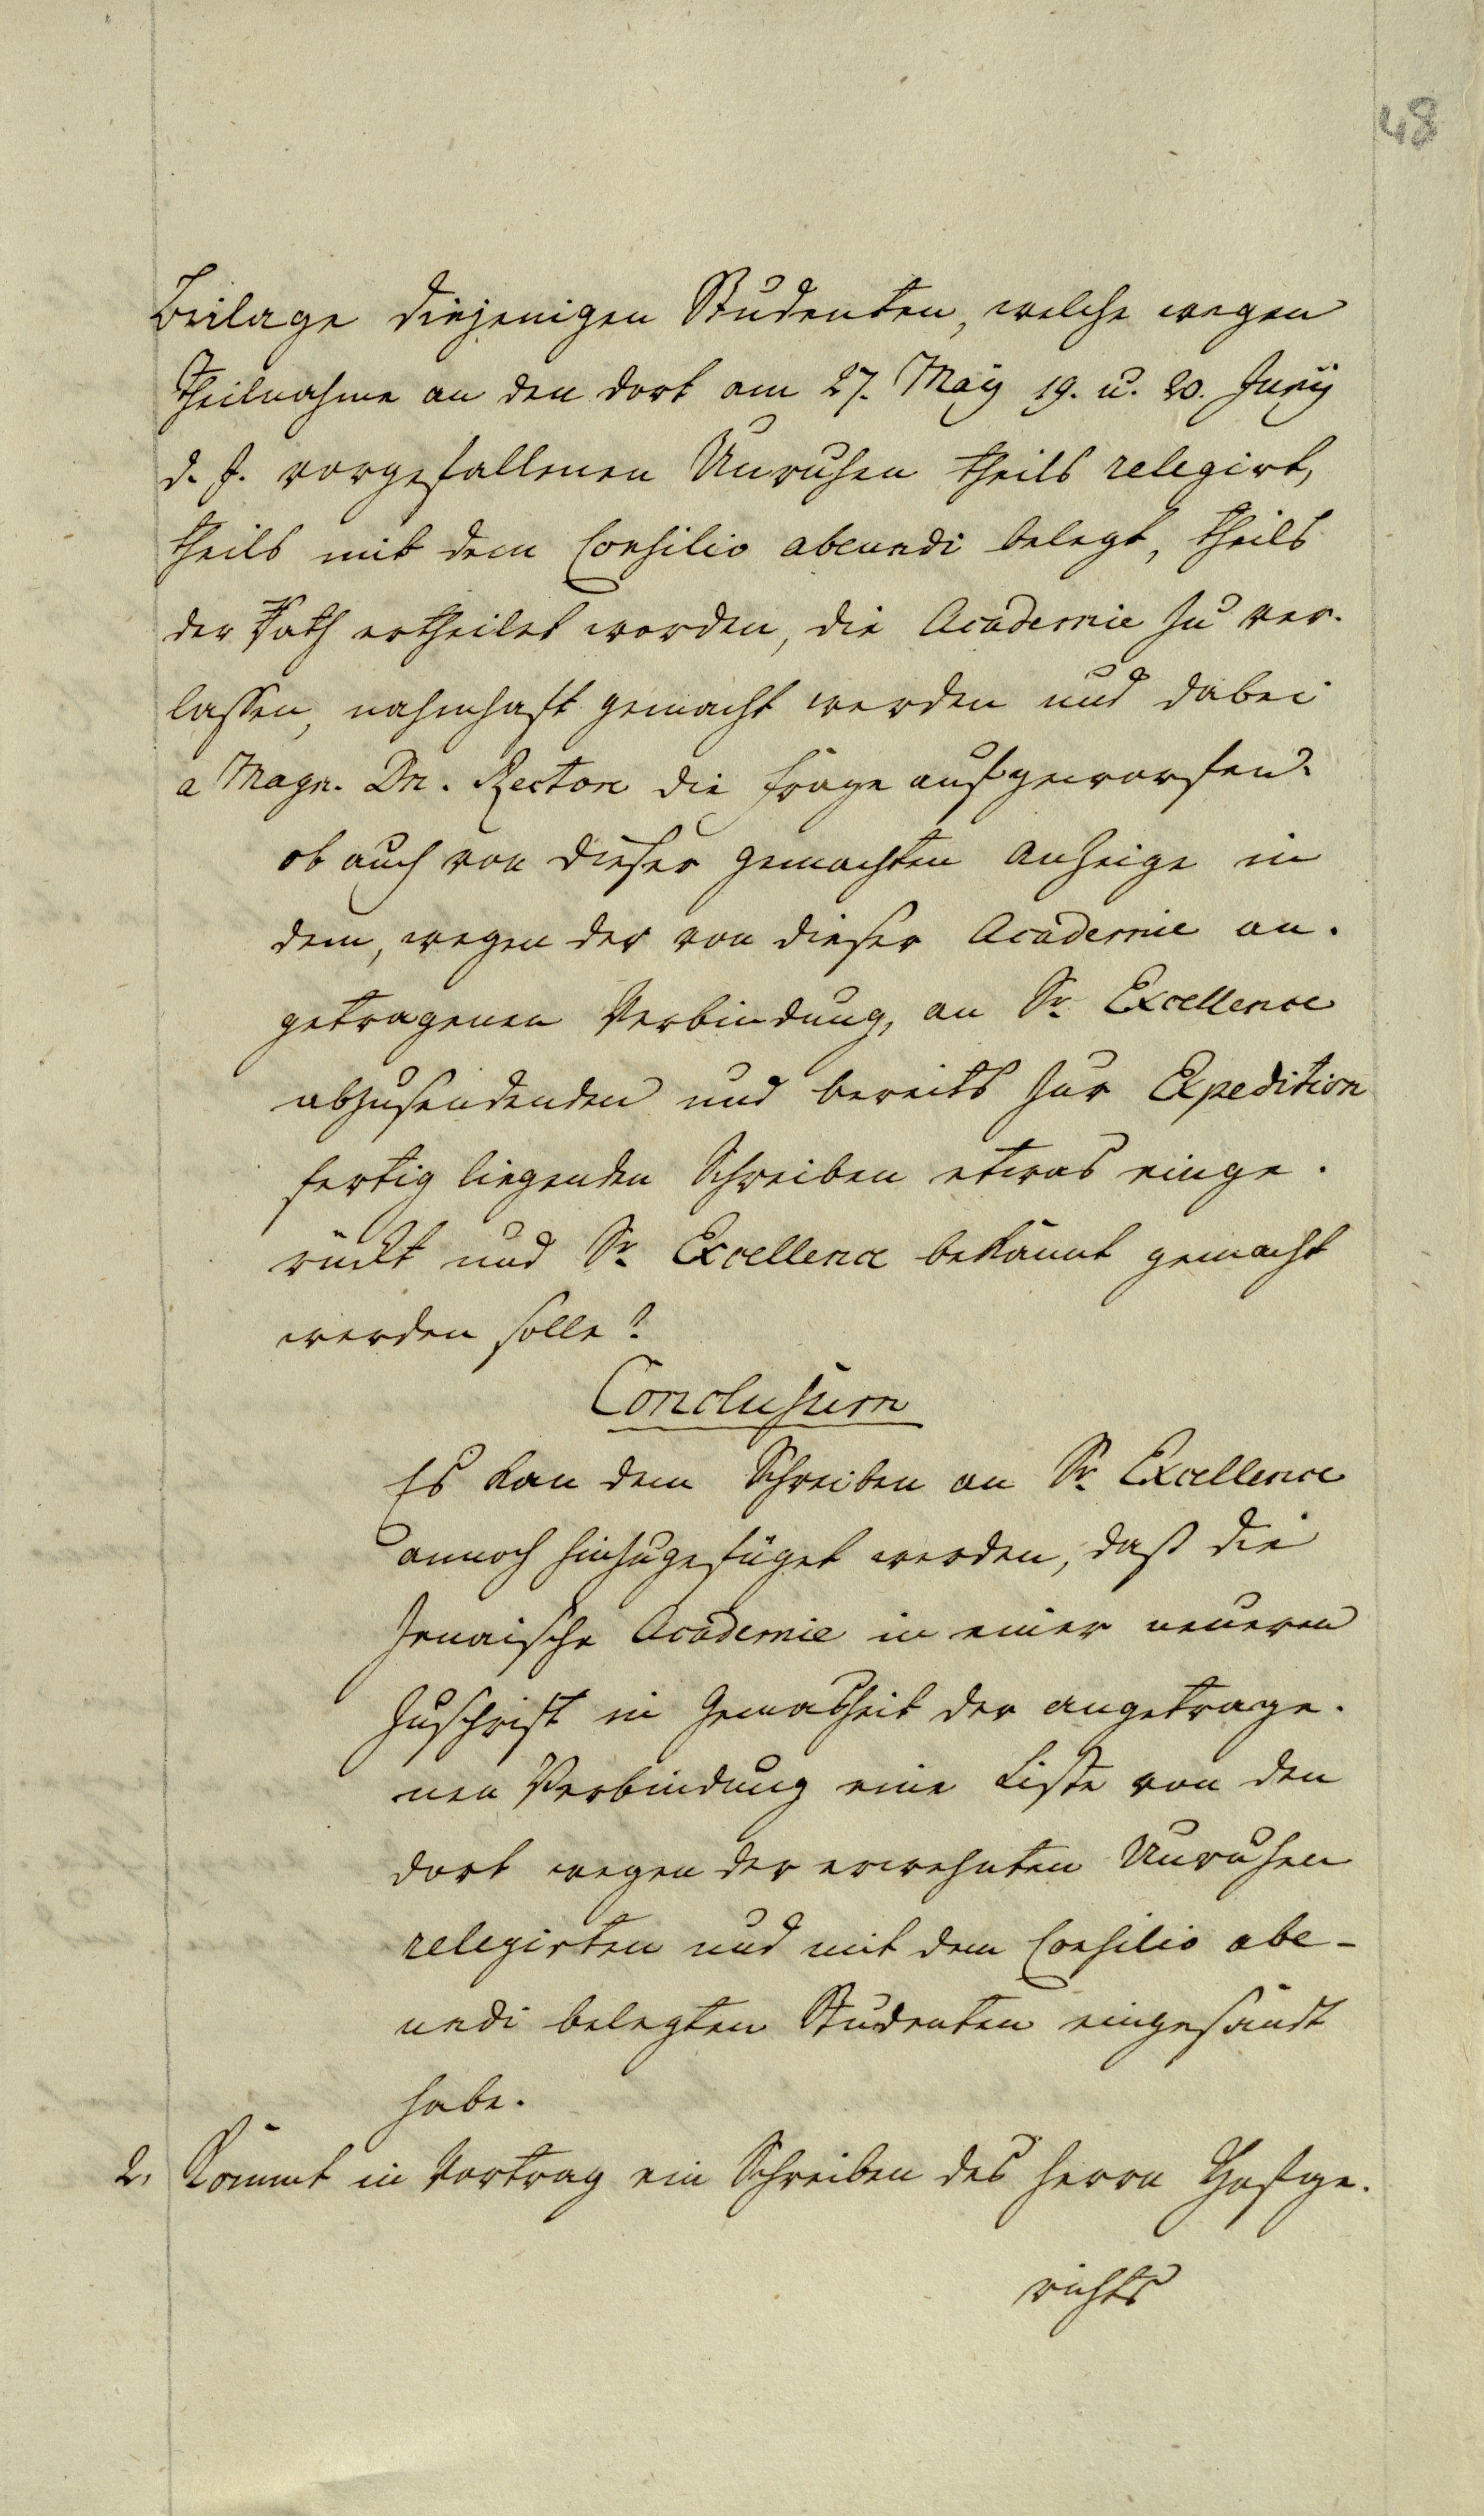Beilage diejenigen Studenten, welche wegen
Teilnahme an den dort am 27. Maÿ 19. u. 20. Junÿ
d. J. vorgefallenen Unruhen theils relegirt,
theils mit dem Consilio abeundi belegt, theils
der Rath ertheilet worden, die Academie zu ver¬
lassen, nahmhaft gemacht werden und dabei
a Magn. Dn. Rectore die Frage aufgeworfen:
ob auch von dieser gemachten Anzeige in
dem, wegen der von dieser Academie an¬
getragenen Verbindung, an Sr. Excellence
abzusendenden und bereits zur Expedition
fertig liegenden Schreiben etwas einge¬
rückt und Sr. Excellence bekannt gemacht
werden solle?
Conclusum
Es kan dem Schreiben an Sr. Excellence
annoch hinzugefüget werden, daß die
Jenaische Academie in einer neueren
Zuschrift in Gemasheit der angetrage¬
nen Verbindung eine Liste von den
dort wegen der erwehnten Unruhen
relegirten und mit dem Consilio abe¬
undi belegten Studenten eingesandt
habe.
2., Kommt in Vortrag ein Schreiben des Herrn Hofge¬
richts